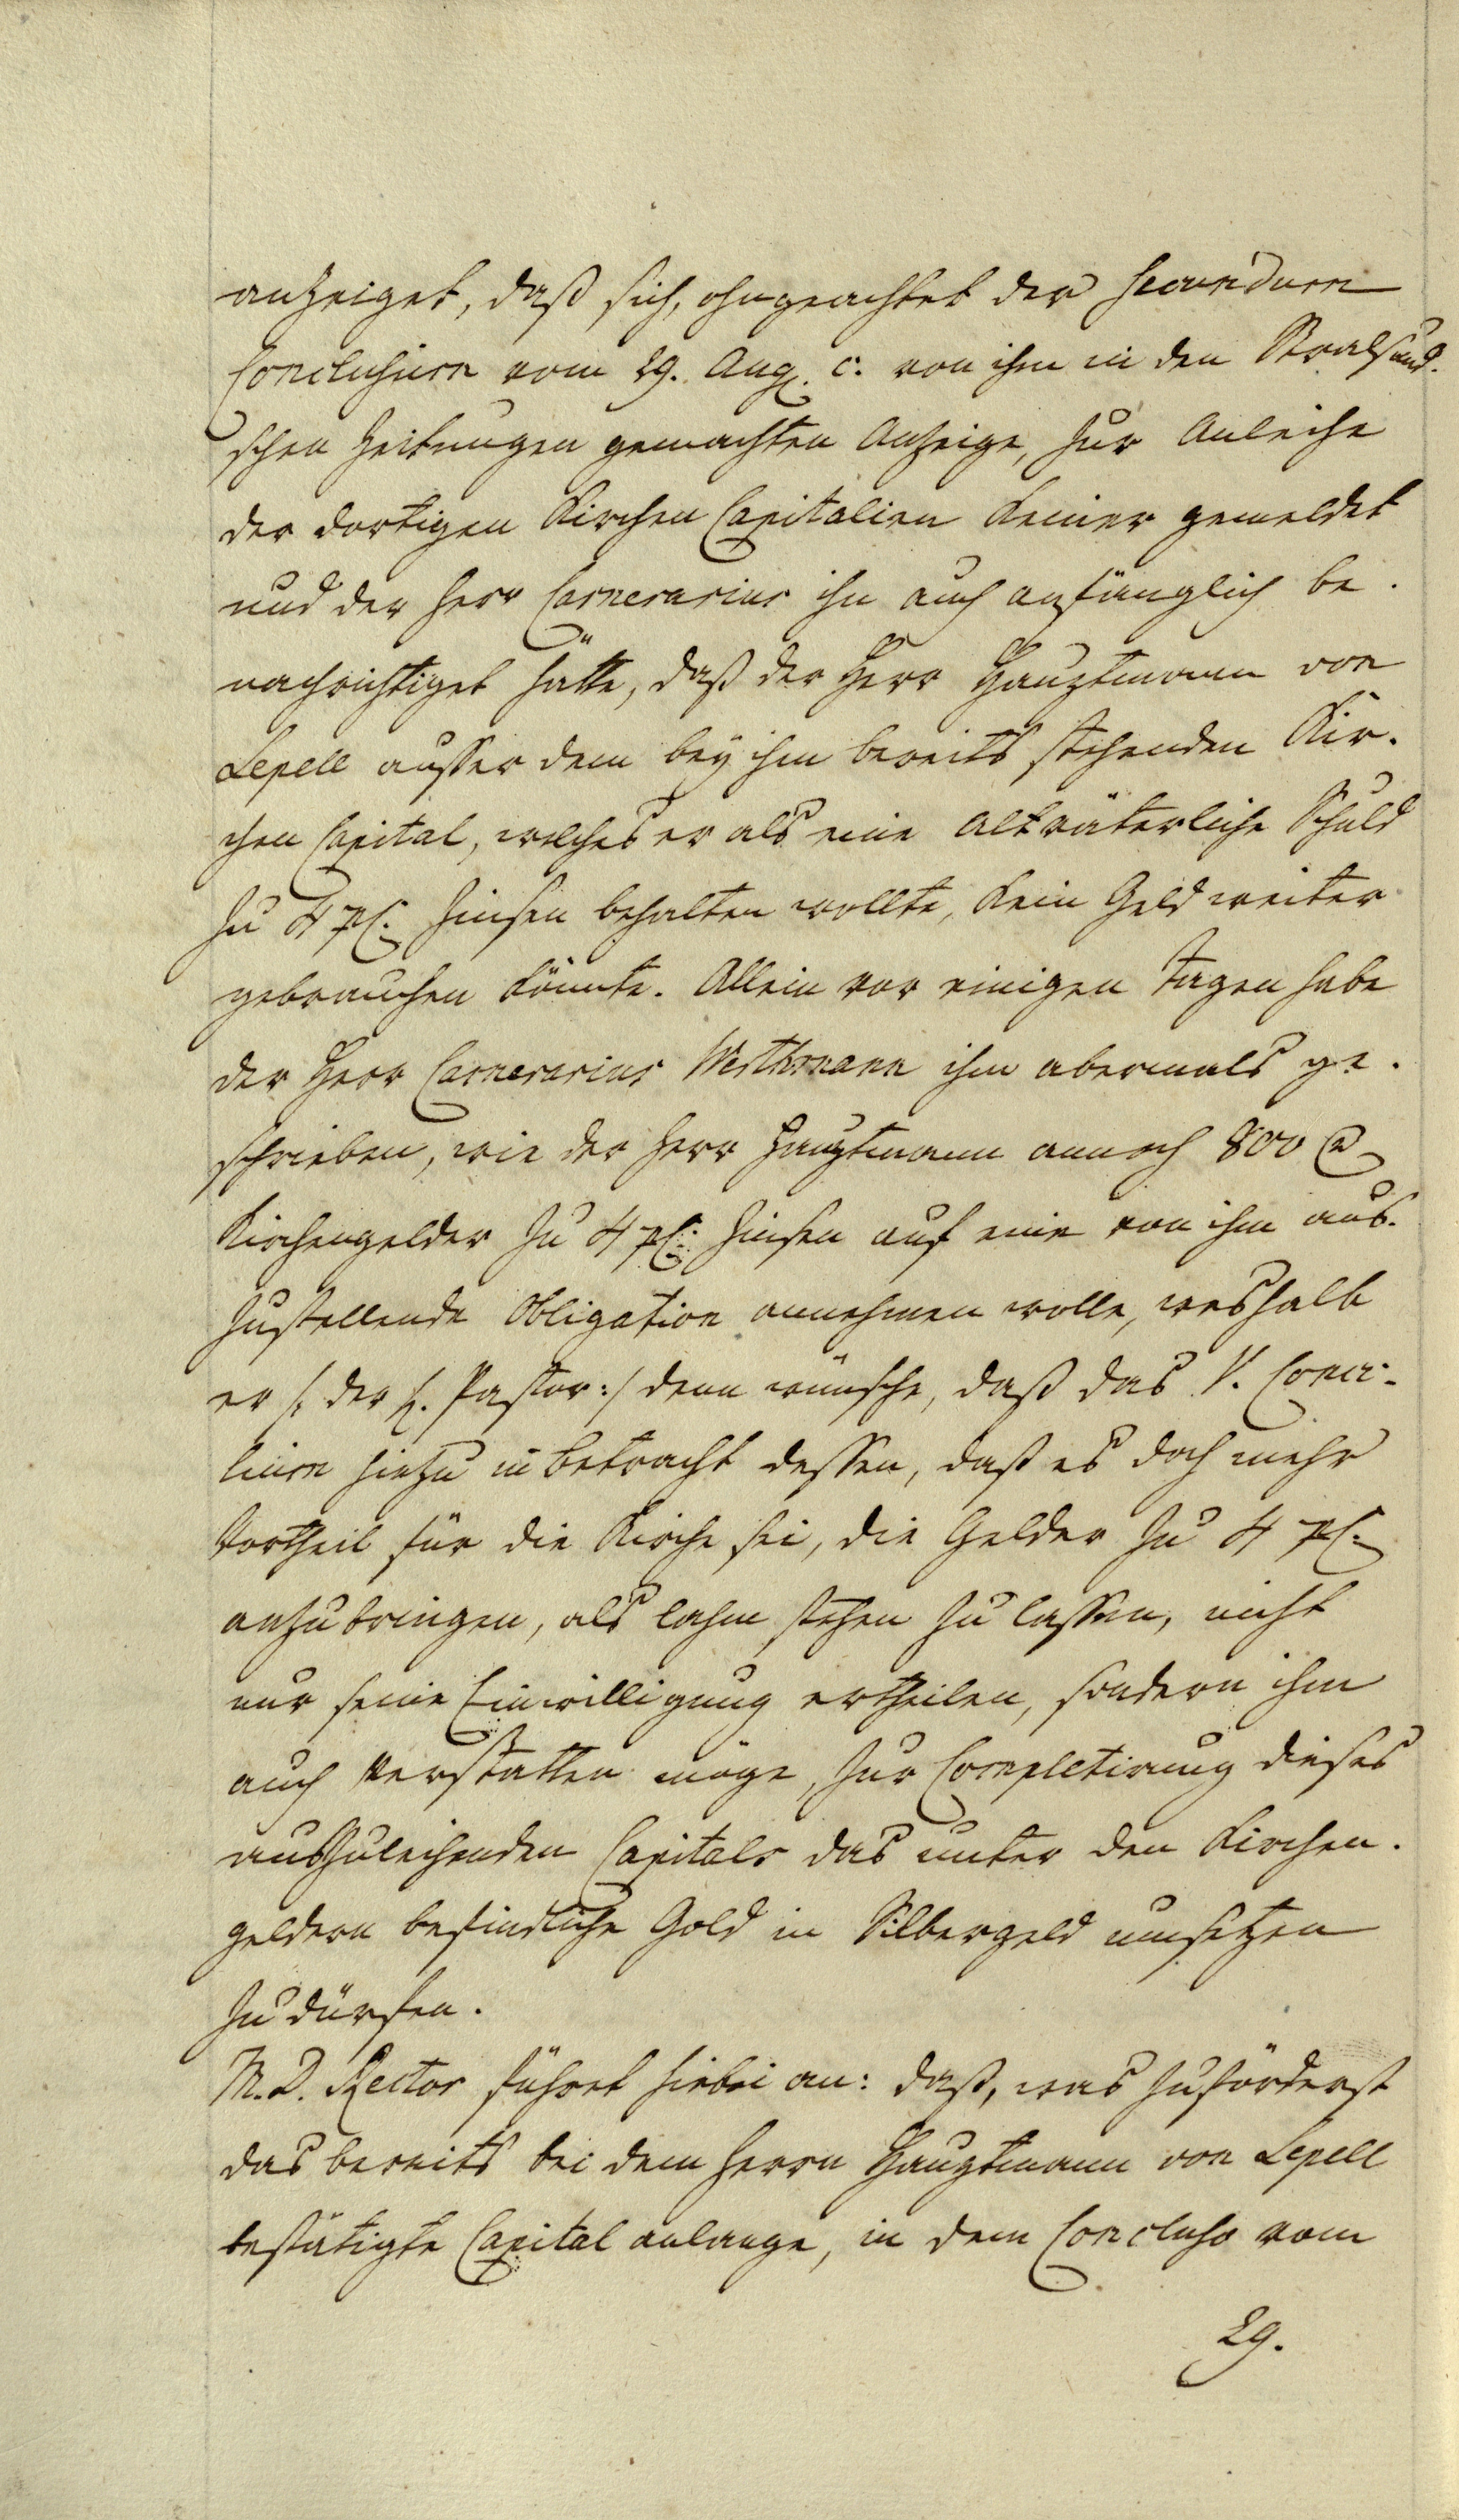anzeiget, daß sich, ohngeachtet der secundum
Conclusum vom 29. Aug. c. von ihm in den Stralsund¬
schen Zeitungen gemachten Anzeige, zur Anleihe
der dortigen Kirchen Capitalien keiner gemeldet
und der Herr Camerarius ihn auch anfänglich be¬
nachrichtiget hätte, daß der Herr Hauptmann von
Lepell ausser dem beÿ ihm bereits stehenden Kir¬
chen Capital, welches er als eine altväterliche Schuld
zu 4 pl. Zinsen behalten wollte, kein Geld weiter
gebrauchen könnte. Allein vor einigen Tagen habe
der Herr Camerarius Werthmann ihm abermals ge¬
schrieben, wie der Herr Hauptmann annoch 800 l.
Kirchengelder zu 4 pl. Zinsen auf eine von ihm aus¬
zustellende Obligation annehmen wolle, weshalb
er /: der h. Pastor :/ denn wünsche, daß das V. Conci
lium hiezu in Betracht dessen, daß es doch mehr
Vortheil für die Kirche sei, die Gelder zu 4 pl.
anzubringen, als lahm stehen zu lassen, nicht
nur seine Einwilligung ertheilen, sondern ihm
auch verstatten möge, zur Completirung dieses
auszuleihenden Capitals das unter den Kirchen¬
geldern befindliche Gold in Silbergeld umsetzen
zu dürfen.
M. D. Rector führet hiebei an: daß, was zuförderst
das bereits bei dem Herrn Hauptmann von Lepell
bestätigte Capital anlange, in dem Concluso vom
29.